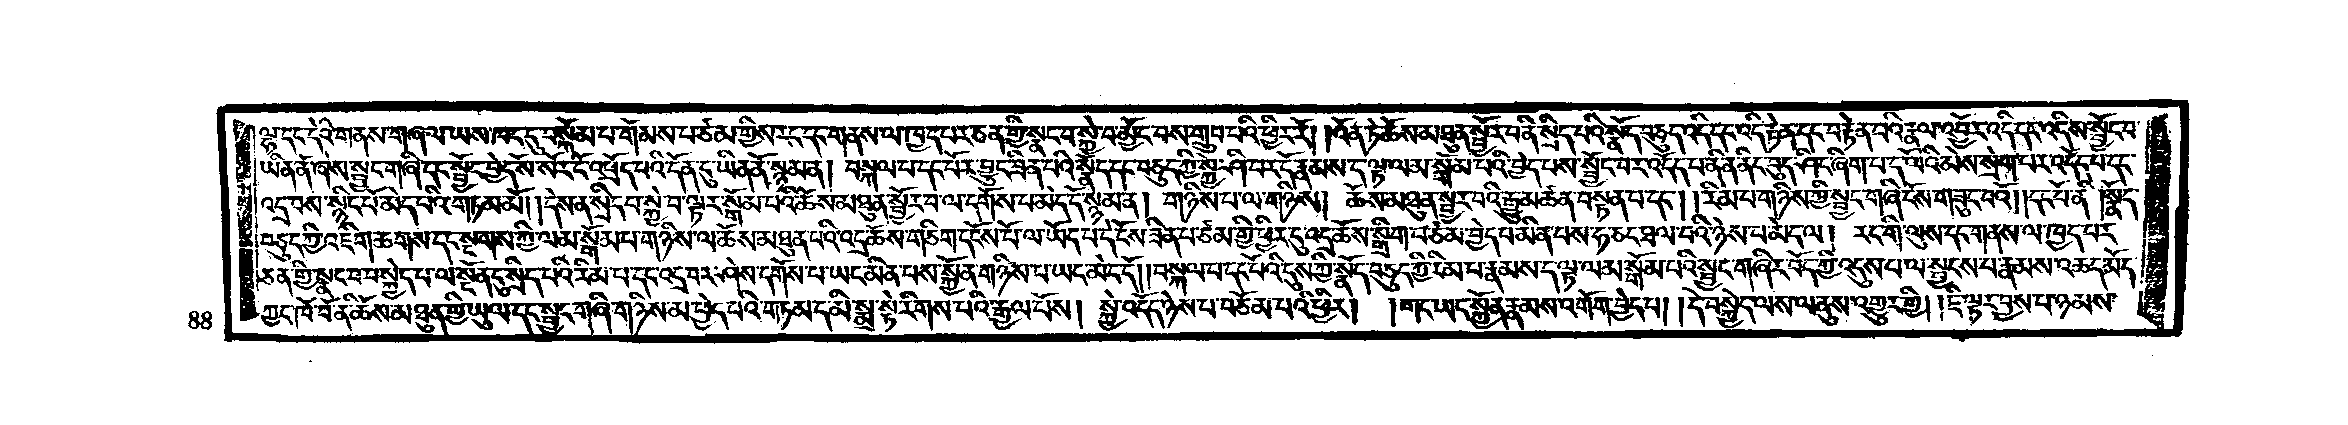ལྷ་དང་དེའི་གནས་གཞལ་ཡས་ཁང་དུ་བསྐོམ་པ་གོམས་པ་ཙམ་གྱིས་རང་དང་གནས་ལ་ཁྱད་པར་ཅན་གྱི་སྣང་བ་སྐྱེ་བ་མྱོང་བས་གྲུབ་པའི་ཕྱིར་རོ། །འོན་ཏེ་ཆོས་མཐུན་སྦྱོར་བ་ནི་སྲིད་པའི་སྣོད་བཅུད་འདི་དང་འདི་རྟེན་དང་བརྟེན་པའི་རྣལ་འབྱོར་འདི་དང་འདིས་སྦྱོང་བ་
ཡིན་ནོ་ཞེས་སྦྱང་གཞི་དང་སྦྱོང་བྱེད་སོ་སོར་ངོ་འཕྲོད་པའི་དོན་དུ་ཡིན་ནོ་སྙམ་ན། བསྐལ་པ་དང་པོར་བྱུང་ཟིན་པའི་སྣོད་དང་བཅུད་ཀྱི་སྐྱེ་ཤི་བར་དོ་རྣམས་ད་ལྟ་ལམ་སྒོམ་པའི་བྱེད་པས་སྦྱོང་བར་འདོད་པ་ནི་ན་ནིང་བུད་ཤིང་ཞིག་པ་ད་ལོའི་མེས་སྲེག་པར་འདོད་པ་དང་
འདྲ་བས་སྙིང་པོ་མེད་པའི་གཏམ་མོ། །དེས་ན་སྲིད་པ་སྐྱེ་བ་ལྟར་སྒོམ་པའི་ཆོས་མཐུན་སྦྱོར་བ་ལ་དགོས་པ་མེད་དོ་སྙམ་ན། གཉིས་པ་ལ་གཉིས། ཆོས་མཐུན་སྦྱར་བའི་རྒྱུ་མཚན་བསྟན་པ་དང་། །རིམ་པ་གཉིས་ཀྱི་སྦྱང་གཞི་ངོས་གཟུང་བའོ། །དང་པོ་ནི། སྣོད་
བཅུད་ཀྱི་འཇིག་ཆགས་དང་སྔགས་ཀྱི་ལམ་སྒོམ་པ་གཉིས་ལ་ཆོས་མཐུན་པའི་འདྲ་ཆོས་གཅིག་དངོས་པོ་ལ་ཡོད་པ་དེ་ངོས་ཟིན་པ་ཙམ་གྱི་ཕྱིར་དུ་འདྲ་ཆོས་སྒྲིག་པ་ཙམ་བྱེད་པ་མིན་པས་ཧ་ཅང་ཐལ་བའི་ཉེས་པ་མེད་ལ། རང་གི་ལུས་དང་གནས་ལ་ཁྱད་པར་
ཅན་གྱི་སྣང་བ་བསྐྱེད་པ་ལ་སྔོན་དུ་སྲིད་པའི་རིམ་པ་དང་འདྲ་བར་ཤེས་དགོས་པ་ཡང་མིན་པས་སྐྱོན་གཉིས་པ་ཡང་མེད་དོ། །བསྐལ་པ་དང་པོའི་དུས་ཀྱི་སྣོད་བཅུད་ཀྱི་རིམ་པ་རྣམས་ད་ལྟ་ལམ་སྒོམ་པའི་སྦྱང་གཞིར་བོད་ཀྱི་འདུས་པ་ལ་སྦྱངས་པ་རྣམས་འཆད་མོད་
ཀྱང་ཁོ་བོ་ནི་ཆོས་མཐུན་ཀྱི་ཡུལ་དང་སྦྱང་གཞི་གཉིས་མ་ཕྱེད་པའི་གཏམ་དེ་མི་སྨྲ་སྟེ་རིགས་པའི་རྒྱལ་པོས། སྐྱེ་འདོད་ཉེས་པ་བཅོམ་པའི་ཕྱིར། །ཀང་ཡང་སྐྱོན་རྣམས་འགོག་བྱེད་པ། །དེ་བསྐྱེད་ལས་ལ་ནུས་འགྱུར་གྱི། །ཇི་ལྟར་བྱས་པ་ཉམས་